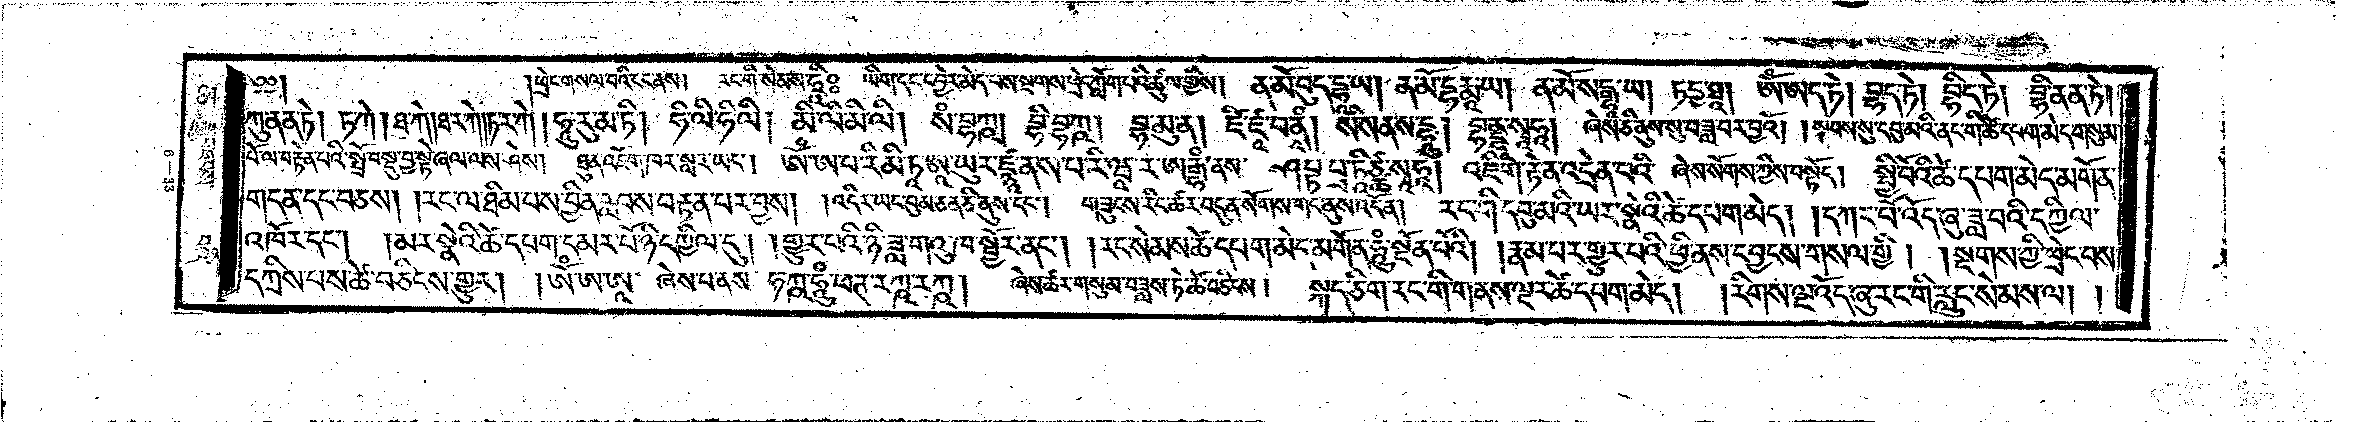༄༅། །ཕྲེང་གསལ་བའི་ངང་ནས། རང་གི་སེམས་ཧྲཱིཿ ཡིག་དང་དབྱེར་མེད་པས་སྔགས་ཕྲེང་ཀློག་པའི་ཚུལ་གྱིས། ན་མོ་བུད་དྷ་ཡ། ན་མོ་དྷརྨཱ་ཡ། ན་མོ་སངྒྷཱ་ཡ། ཏདྱ་ཐཱ། ཨོཾ་ཨད་ཏེ། བྷད་ཏེ། བྷིད་ཏེ། བྷི་ནན་ཏེ།
ཀུ་ནན་ཏེ། ཏ་ཀེ། ཐ་ཀེ། ཐ་ར་ཀེ། ཏ་ར་ཀེ། ཧཱུ་རུ་མ་ཏི། ཧི་ལི་ཧི་ལི། མི་ལི་མི་ལི། སཾ་བྷཀྵ། བྷི་བྷཀྵ། བྷ་མུ་ན། ཛི་ཛཱ་བ་ནཱཾ། སི་སན་ས་དྷཱུ། བྷནྡྷ་སྭཱཧཱ། ཞེས་ཅི་ནུས་སུ་བཟླ་བར་བྱའོ། །སྐབས་སུ་དབུ་མའི་ནང་གི་ཚེ་དཔག་མེད་གསུམ་
པོ་ལ་བརྟེན་པའི་སྤྲོ་བསྡུ་བྱ་སྟེ་ཞལ་ལས་ཤེས། ཐུན་འཇོག་ཁར་སླར་ཡང་། ཨོཾ་ཨ་པ་རི་མི་ཏཱ་ཨཱ་ཡུར་ཛྙཱ་ན་ས་པ་རི་ཝཱ་ར་ཨརྒྷཾ་ནས་ཤཔྟ་པྲ་ཏཱིཙྪ་སྭཱཧཱ། འཇིག་རྟེན་འདྲེན་པའི་ཞེས་སོགས་ཀྱིས་བསྟོད།  སྤྱི་བོའི་ཚེ་དཔག་མེད་མགོན་
གདན་དང་བཅས། །རང་ལ་ཐིམ་པས་བྱིན་རླབས་བརྟན་པར་བྱས། །འདིར་ཡང་བུམ་ཅན་ཅི་ནུས་དང་། གཟུངས་རིང་ཚར་བདུན་སོགས་གང་ནུས་འདོན། རང་གི་དབུ་མའི་ཡར་སྣེའི་ཚེ་དཔག་མེད། །དཀར་པོ་འོད་ཞུ་ཟླ་བའི་དཀྱིལ་
འཁོར་དང་། །མར་སྣེའི་ཚེ་དཔག་དམར་པོ་ཉི་དཀྱིལ་དུ། །གྱུར་པའི་ཉི་ཟླ་གའུ་ཁ་སྦྱོར་ནང་། །རང་སེམས་ཚེ་དཔག་མེད་མགོན་ཧཱུཾ་སྔོན་པོའི། །རྣམ་པར་གྱུར་པའི་ཕྱི་ནས་དབྱངས་གསལ་གྱི། །སྔགས་ཀྱི་ཕྲེང་བས་
དཀྲིས་པས་ཚེ་བཅིངས་གྱུར། །ཨོཾ་ཨ་ཨཱ་ཞེས་པ་ནས་ཧ་ཀྵ་ཧཱུཾ་ཕཊ་རཀྵ་རཀྵ། ཞེས་ཚར་གསུམ་བཟླས་ཏེ་ཚེ་བཅིངས། སྐད་ཅིག་རང་གི་གནས་ལྔར་ཚེ་དཔག་མེད། །རིགས་ལྔ་འོད་ཞུ་རང་གི་རླུང་སེམས་ལ། །